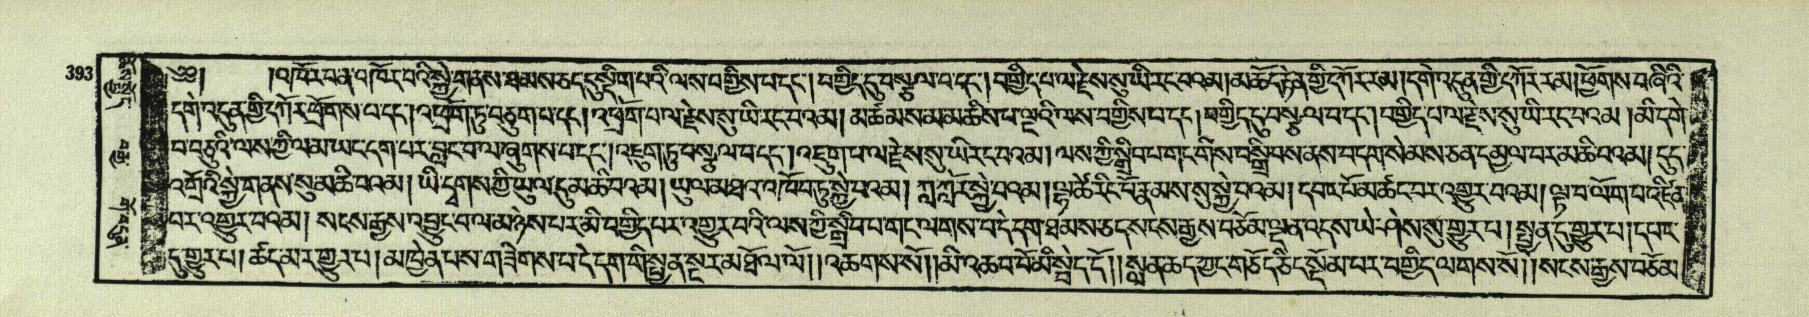༄༅། །འཁོར་བ་ན་འཁོར་བའི་སྐྱེ་གནས་ཐམས་ཅད་དུ་སྡིག་པའི་ལས་བགྱིས་པ་དང་།བགྱིད་དུ་བསྩལ་བ་དང་།བགྱིད་པ་ལ་རྗེས་སུ་ཡི་རང་བའམ། མཆོད་རྟེན་གྱི་དཀོར་རམ། དགེ་འདུན་གྱི་དཀོར་རམ། ཕྱོགས་བཞིའི་
དགེ་འདུན་གྱི་དཀོར་ཕྲོགས་པ་དང་། འཕྲོག་ཏུ་བཅུག་པ་དང་།འཕྲོག་པ་ལ་རྗེས་སུ་ཡི་རང་བའམ། མཚམས་མ་མཆིས་པ་ལྔའི་ལས་བགྱིས་པ་དང་། བགྱིད་དུ་བསྩལ་བ་དང་།བགྱིད་པ་ལ་རྗེས་སུ་ཡི་རང་བའམ། མི་དགེ་
བ་བཅུའི་ལས་ཀྱི་ལམ་ཡང་དག་པར་བླང་བ་ལ་ཞུགས་པ་དང་། འཇུག་ཏུ་བསྩལ་བ་དང་། འཇུག་པ་ལ་རྗེས་སུ་ཡི་རང་བའམ། ལས་ཀྱི་སྒྲིབ་པ་གང་གིས་བསྒྲིབས་ནས་བདག་སེམས་ཅན་དམྱལ་བར་མཆི་བའམ། དུད་
འགྲོའི་སྐྱེ་གནས་སུ་མཆི་བའམ། ཡི་དྭགས་ཀྱི་ཡུལ་དུ་མཆི་བའམ། ཡུལ་མཐའ་འཁོབ་ཏུ་སྐྱེ་བའམ། ཀླ་ཀློར་སྐྱེ་བའམ། ལྷ་ཚེ་རིང་པོ་རྣམས་སུ་སྐྱེ་བའམ། དབང་པོ་མ་ཚང་བར་འགྱུར་བའམ། ལྟ་བ་ལོག་པ་འཛིན་
པར་འགྱུར་བའམ། སངས་རྒྱས་འབྱུང་བ་ལ་མཉེས་པར་མི་བགྱིད་པར་འགྱུར་བའི་ལས་ཀྱི་སྒྲིབ་པ་གང་ལགས་པ་དེ་དག་ཐམས་ཅད་སངས་རྒྱས་བཅོམ་ལྡན་འདས་ཡེ་ཤེས་སུ་གྱུར་པ། སྤྱན་དུ་གྱུར་པ། དཔང་
དུ་གྱུར་པ། ཚད་མར་གྱུར་པ། མཁྱེན་པས་གཟིགས་པ་དེ་དག་གི་སྤྱན་སྔར་མཐོལ་ལོ། །འཆགས་སོ། །མི་འཆབ་པོ་མི་སྦེད་དོ། །སླན་ཆད་ཀྱང་གཅོད་ཅིང་སྡོམ་པར་བགྱིད་ལགས་སོ། །སངས་རྒྱས་བཅོམ་